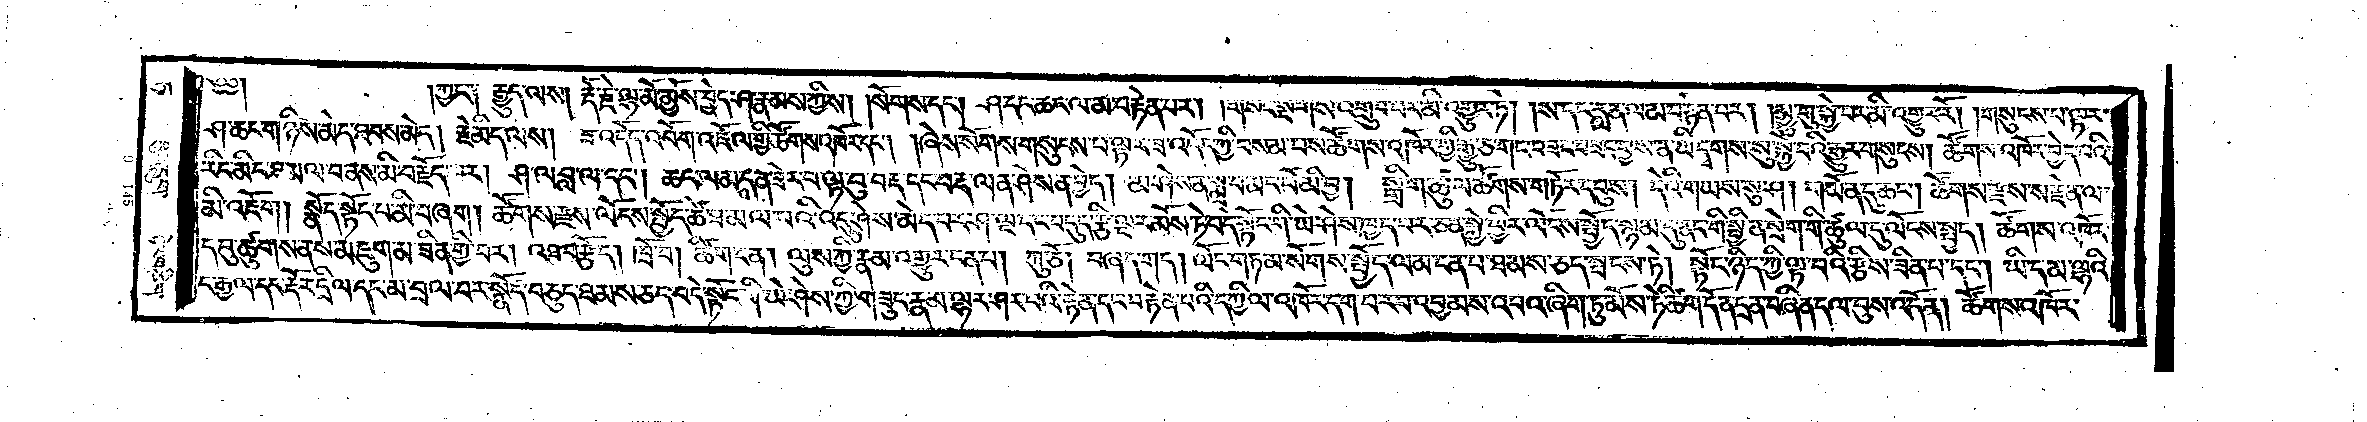༄༅། །ཀྱང༑ རྒྱུད་ལས། རྡོ་རྗེ་ལྷ་མོ་མྱོས་བྱེད་ཤ་རྣམས་ཀྱིས། །སོགས་དང་། ཤ་དང་ཆང་ལ་མ་བརྟེན་པར། །གསང་སྔགས་འགྲུབ་པར་མི་འགྱུར་ཏེ། །ས་དང་རླན་ལ་མ་བརྟེན་པར། །མྱུ་གུ་སྐྱེ་བར་མི་འགྱུར་རོ། །གསུངས་པ་ལྟར་
ཤ་ཆང་གཉིས་མེད་ཐབས་མེད། རྗེ་མིད་ལས། ཟ་འདོད་འབོག་འཇོལ་གྱི་ཚོགས་འཁོར་དང་། །ཞེས་སོགས་གསུངས་པ་ལྟར་ཐ་འདོད་ཀྱི་བསམ་པས་ཚོགས་འཁོར་གྱི་རྒྱུ་ཅ་གང་བཟང་བཟང་བྱས་ན་ཡི་དྭགས་སུ་སྐྱེ་བའི་རྒྱུར་གསུངས། ཚོགས་འཁོར་བྱེད་པའི་
རིང་མིང་ཐ་མལ་བ་ནས་མི་བརྗོད་པར། ཤ་ལ་བཱ་ལ་དང་། ཆང་ལ་མཱ་?་དན་ཟེར་བ་ལྟ་བུ་བརྡ་དང་བརྡ་ལན་ཤེས་ན་བྱེད། མ་ཤེས་ན་སྨྲ་བ་མང་པོ་མི་བྱ། སྒྲིག་ཚུལ་ཚོགས་གཏོར་དབུས། དེའི་གཡས་སུ་ཤ། གཡོན་དུ་ཆང་། ཚོགས་རྫས་ས་རྗེན་ལ་
མི་འཇོག །སྣོད་སྟོང་པ་མི་བཞག །ཚོགས་རྫས་ལོངས་སྤྱོད་ཚེ་ཐ་མལ་པའི་འདུ་ཤེས་མེད་པར་ཤ་ལྔ་དང་བདུད་རྩི་ལྔར་མོས་ཏེ་བདེ་སྟོང་གི་ཡེ་ཤེས་ཁྱད་པར་ཅན་སྐྱེ་ཕྱིར་ལོངས་སྤྱོད་སྙམ་དུ་ནང་གི་སྦྱིན་སྲེག་གི་ཚུལ་དུ་ལོངས་སྤྱད། ཚོགས་འཁོར་
དབུ་ཚུགས་ནས་མཇུག་མ་ཟིན་གྱི་བར། འཐབ་རྩོད། ཁྲོ་བ། ཚིག་ངན། ལུས་ཀྱི་རྣམ་འགྱུར་ངན་པ། ཀུ་ཅོ། བཞད་གད། ལོང་གཏམ་སོགས་སྤྱོད་ལམ་ངན་པ་ཐམས་ཅད་སྤངས་ཏེ། སྟོང་ཉིད་ཀྱི་ལྟ་བའི་རྩིས་ཟིན་པ་དང་། ཡི་དམ་ལྷའི་
ང་རྒྱལ་དང་རྡོར་དྲིལ་དང་མ་བྲལ་བར་སྣོད་བཅུད་ཐམས་ཅད་བདེ་སྟོང་གི་ཡེ་ཤེས་ཀྱི་གཟུང་རྣམ་ལྷར་ཤར་བའི་རྟེན་དང་བརྟེན་པའི་དཀྱིལ་འཁོར་དག་པ་རབ་འབྱམས་འབའ་ཞིག་ཏུ་མོས་ཏེ་ཚིག་དོན་དྲན་བཞིན་དལ་བུས་འདོན། ཚོགས་འཁོར་